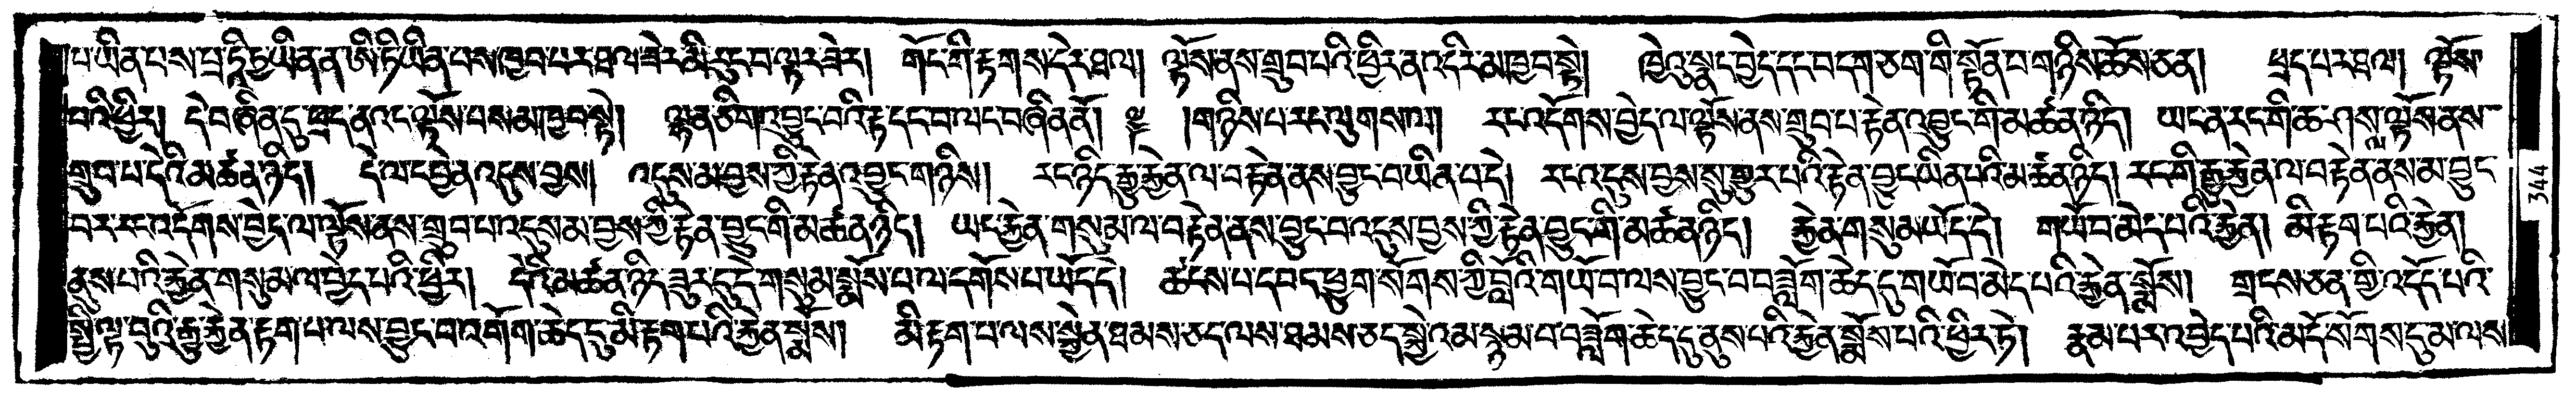པ་ཡིན་པས་པྲ་ཏཱི་ཏྱ་ཡིན་ན་ཨི་ཏི་ཡིན་པས་ཁྱབ་པར་ཐལ་ཟེར་མི་རུང་བ་ལྟར་ཟེར། གོང་གི་རྟགས་དེར་ཐལ། ལྟོས་ནས་གྲུབ་པའི་ཕྱིར་ན་འདིར་མ་ཁྱབ་སྟེ། ཁྱེའུ་སྣང་བྱེད་དང་བདག་ཅག་གི་སྟོན་པ་གཉིས་ཆོས་ཅན། ཕྲད་པར་ཐལ། ལྟོས་
པའི་ཕྱིར། དེ་བཞིན་དུ་ཕྲད་ནའང་ལྟོས་བསམ་ཁྱབ་སྟེ། ལྷན་ཅིག་འབྱུང་བའི་རྟ་དང་བ་ལང་བཞིན་ནོ། ༈ །གཉིས་པ་རང་ལུགས་ལ། རང་འདོགས་བྱེད་ལ་ལྟོས་ནས་གྲུབ་པ་རྟེན་འབྱུང་གི་མཚན་ཉིད། ཡང་ན་རང་གི་ཆ་ཤས་ལྟོས་ནས་
གྲུབ་པ་དེའི་མཚན་ཉིད། དེ་ལ་དབྱེ་ན་འདུས་བྱས། འདུས་མ་བྱས་ཀྱི་རྟེན་འབྱུང་གཉིས། རང་ཉིད་རྒྱུ་རྐྱེན་ལ་བརྟེན་ནས་བྱུང་བ་ཡིན་པ་དེ། རང་འདུས་བྱས་སུ་གྱུར་པའི་རྟེན་འབྱུང་ཡིན་པའི་མཚན་ཉིད། རང་གི་རྒྱུ་རྐྱེན་ལ་བརྟེན་ནས་མ་བྱུང་
བར་རང་འདོགས་བྱེད་ལ་ལྟོས་ནས་གྲུབ་པ་འདུས་མ་བྱས་ཀྱི་རྟེན་བྱུང་གི་མཚན་ཉིད། ཡང་རྐྱེན་གསུམ་ལ་བརྟེན་ནས་བྱུང་བ་འདུས་བྱས་ཀྱི་རྟེན་བྱུང་གི་མཚན་ཉིད། རྐྱེན་གསུམ་ཡོད་དེ། གཡོ་བ་མེད་པའི་རྐྱེན། མི་རྟག་པའི་རྐྱེན།
ནུས་པའི་རྐྱེན་གསུམ་ལ་བྱེད་པའི་ཕྱིར། དེའི་མཚན་ཉིད་ཟུར་དུ་དེ་གསུམ་སྨོས་པ་ལ་དགོས་པ་ཡོད་དེ། ཚངས་པ་དབང་ཕྱུག་སོགས་ཀྱི་བློའི་གཡོ་བ་ལས་བྱུང་བ་བཟློག་ཆེད་དུ་གཡོ་བ་མེད་པའི་རྐྱེན་སྨོས། གྲངས་ཅན་གྱི་འདོད་པའི་
སྤྱི་ལྟ་བུའི་རྒྱུ་རྐྱེན་རྟག་པ་ལས་བྱུང་བ་འགོག་ཆེད་དུ་མི་རྟག་པའི་རྐྱེན་སྨོས། མི་རྟག་པ་ལས་སྐྱེན་ཐམས་ཅད་ལས་ཐམས་ཅད་སྐྱེའམ་སྙམ་པ་བཟློག་ཆེད་དུ་ནུས་པའི་རྐྱེན་སྨོས་པའི་ཕྱིར་ཏེ། རྣམ་པར་འབྱེད་པའི་མདོ་སོགས་དུ་མ་ལས་